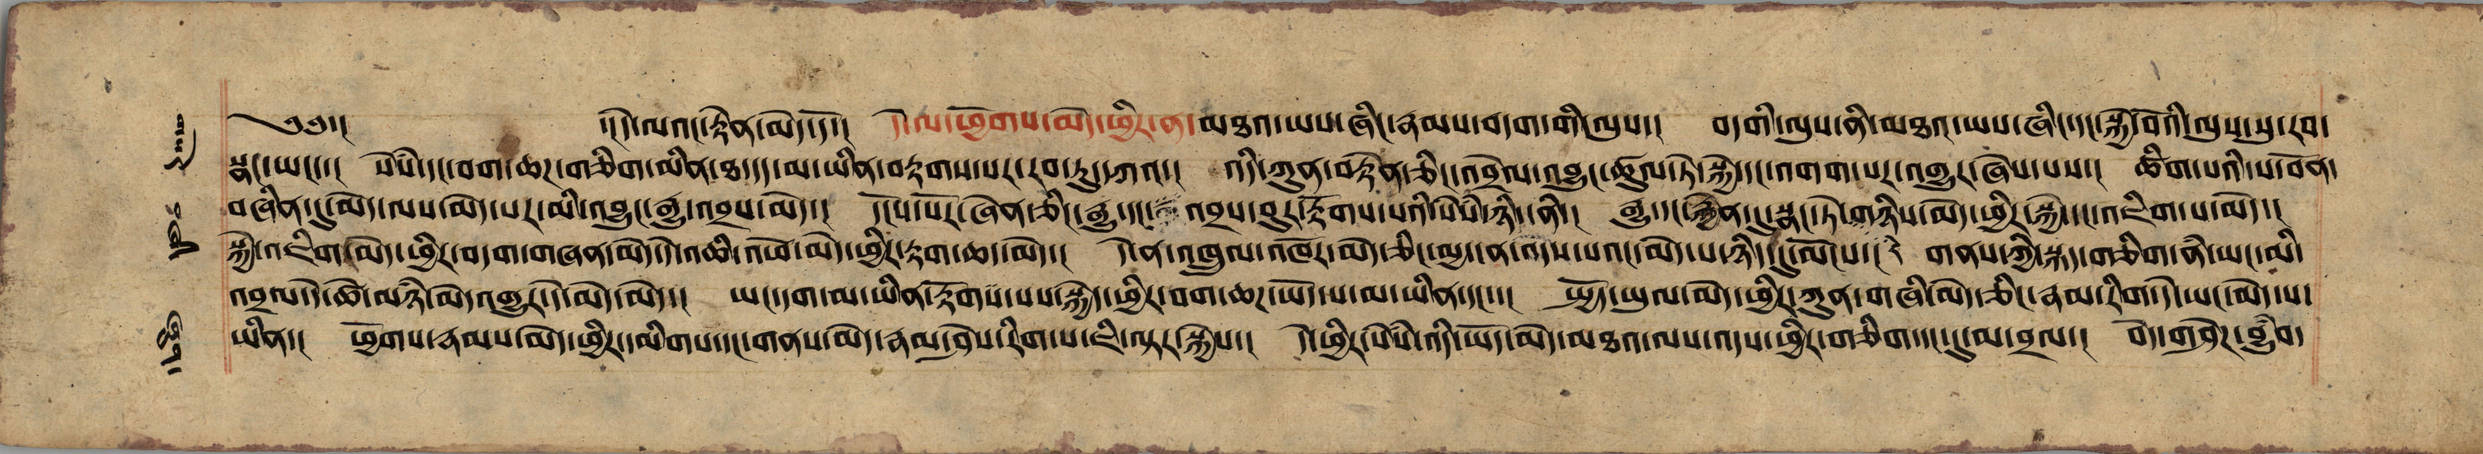༄༅་། ་།དེ་ལའང་རྟེན་མེད་དོ་། དེ་ལ་ཕྱོགས་མེད་ཕྱིར་ན་མཐའ་ཡས་ཞིང་རྣམས་བདག་གི་ལུས་། བདགི་ལུས་ནི་མཐའ་ཡས་ཞིང་དང་སྐྱེ་བོའི་ལུས་སུ་རབ་
སྣང་ཡང་། སེཾས་དང་བག་ཆཌ་གཅིག་མིན་ཐ་དད་མ་ཡིན་བརྟགས་པར་རབ་ཏུ་དཀའ་། འདི་ཀུན་བརྟེན་ཅིང་འབྲེལ་འབྱུང་ཚུལ་ཏེ་སྐྱེ་དང་འགག་པར་འགྱུར་ཞེས་པས་། ཚིག་པའི་ས་བོན་
བཞིན་དུ་མེད་ལས་མེད་པར་མི་འབྱུང་རྒྱུ་འབྲས་མེད་། དངོས་པརོ་ཞེན་ཅིང་རྒྱུ་དང་ འབྲས་བུར་རྟོགས་པའི་སེཾས་ཉིད་ནི་། རྒྱུ་དང་རྐྱེན་དུ་སྣང་ཏེ་གཉིས་མེད་ཕྱིར་སྐྱེ་དང་འཇིག་པ་མེད་།
སྐྱེ་འཇིག་མེད་ཕྱིར་བདག་གཞན་མེད་དེ་འཆི་འཕོ་མེད་ཕྱིར་རྟག་ཆད་མེད་། དེ་ན་འཁྲུལ་འཁོར་མེད་ཅིང་མྱ་ངན་འདས་པའང་མེད་པ་ཉིད་དུ་ལོངས་། རེ གནས་ཀྱི་སྐད་གཅིག་ནི་ཡང་མི་
འབྲལ་དེ་ཚེ་མཉཾ་མེད་འགྱུར་དེ་མེད་མེད་། ཡང་དག་མ་ཡིན་རྟོགས་པས་སྐྱེད་ཕྱིར་བག་ཆཌ་ཡོད་པ་མ་ཡིན་དང་། སྤྱོད་ཡུལ་མེད་ཕྱིར་ཀུན་གཞི་མེད་ཅིང་རྣམ་རིག་དེ་ཡང་མེད་པ་
ཡིན་། ཕྱོགས་རྣམས་མེད་ཕྱིར་དམིགས་དང་གནས་མེད་རྣམ་ཤེས་རིག་པ་ཇི་ལྟར་སྐྱེས་།། དེ་ཕྱིར་སེཾས་འདི་ཡོད་མེད་མཐའ་ལས་འདས་ཕྱིར་གཅིག་དང་དུ་མ་བྲལ་། བདེ་གཤེཌ་བྱུྃབ་